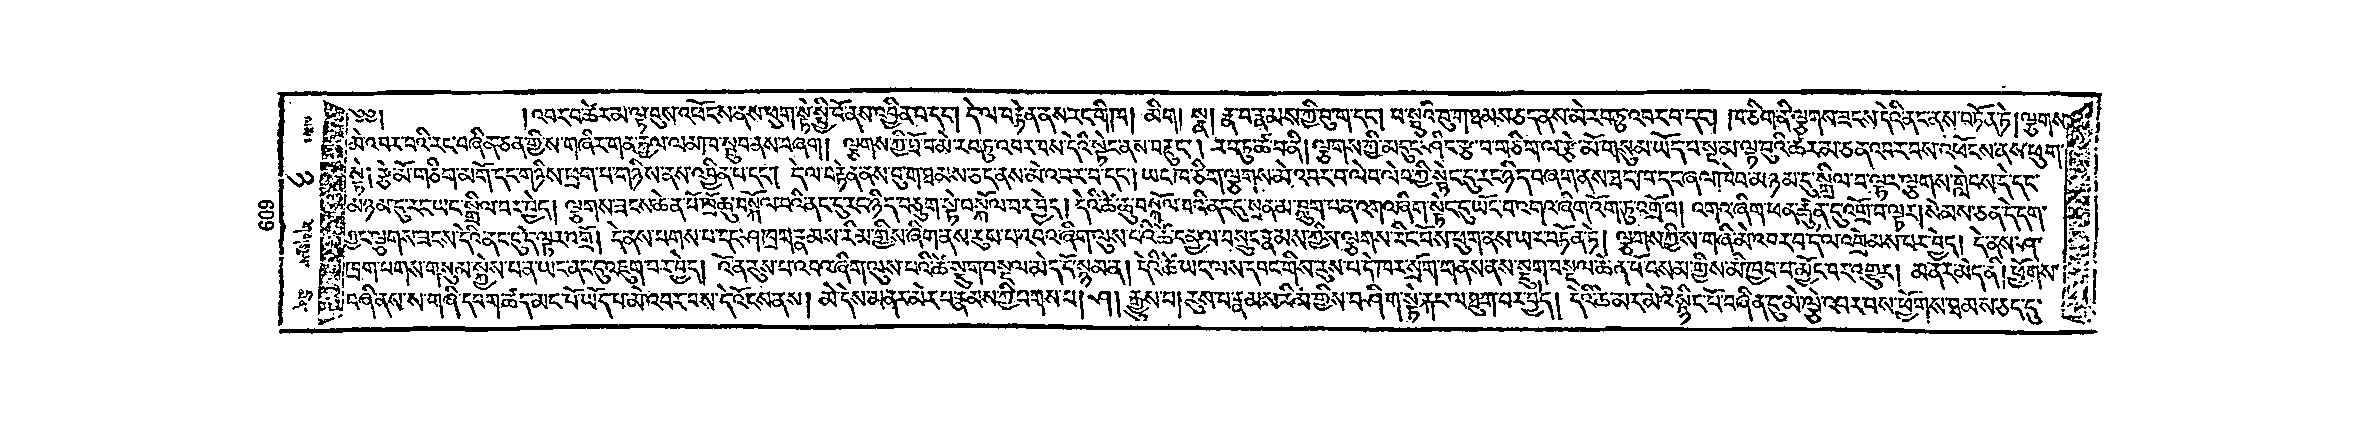༄༅། །འབར་བ་ཚེར་མ་ལྟ་བུས་འཕོངས་ནས་ཕུག་སྟེ་སྤྱི་བོ་ནས་འབྱིན་པ་དང་། དེ་ལ་བརྟེན་ནས་རང་གི་ཁ། མིག །སྣ། རྣ་བ་རྣམས་ཀྱི་བུ་ག་དང་། བ་སྤུའི་བུ་ག་ཐམས་ཅད་ནས་མེ་རབ་ཏུ་འབར་བ་དང་། ཁ་ཅིག་ནི་ལྕགས་ཟངས་དེའི་ནང་ནས་བཏོན་ཏེ། ལྕགས་
མེ་འབར་བའི་རང་བཞིན་ཅན་གྱི་ས་གཞིར་གན་རྐྱལ་ལམ་ཁ་སྦུབ་ནས་བཞག །ལྕགས་ཀྱི་ཐོ་བ་མེ་རབ་ཏུ་འབར་བས་དེའི་སྟེང་ནས་བརྡུད། རབ་ཏུ་ཚབ་ནི། ལྕགས་ཀྱི་མདུང་ཤིང་རྩ་བ་གཅིག་ལ་རྩེ་མོ་གསུམ་ཡོད་པ་སྔ་མ་ལྟ་བུའི་ཚར་མ་ཅན་འབར་བས་འཕོངས་ནས་ཕུག་
སྟེ། རྩེ་མོ་གཅིག་མགོ་དང་གཉིས་ཕྲག་པ་གཉིས་ནས་འབྱིན་པ་དང་། དེ་ལ་བརྟེན་ནས་བུ་ག་ཐམས་ཅད་ནས་མེ་འབར་བ་དང་། ཡང་ཁ་ཅིག་ལྕགས་མེ་འབར་བ་ལེབ་ལེབ་ཀྱི་སྟེང་དུ་རང་ཉིད་བཞག་ནས་ཐང་ཁ་དང་ཞལ་ཁེབ་མཉམ་དུ་སྒྲིལ་བ་ལྟར་ལྕགས་གླེབས་དེ་དང་
མཉམ་དུ་རང་ཡང་སྒྲིལ་བར་བྱེད། ལྕགས་ཟངས་ཆེན་པོ་ཁྲོ་ཆུ་བསྐོལ་བའི་ནང་དུ་རང་ཉིད་བཅུག་སྟེ་བསྐོལ་བར་བྱེད། དེའི་ཚེ་ཆུ་བསྐོལ་བའི་ནང་དུ་སྲན་མ་བླུག་པ་ན་འབའ་ཞིག་སྟེང་དུ་ཡོང་བ་འགའ་ཞིག་འོག་ཏུ་འགྲོ་བ། འགའ་ཞིག་ཕན་ཚུན་དུ་འགྲོ་བ་ལྟར། སེམས་ཅན་དེ་དག་
ཀྱང་ལྕགས་ཟངས་དེའི་ནང་དུ་དེ་ལྟར་འགྲོ་།དེ་ནས་པགས་པ་དང་ཤ་ཁྲག་རྣམས་རིམ་གྱིས་ཞིག་ནས་རུས་པ་འབའ་ཞིག་ལུས་པའི་ཚེ་དམྱལ་བསྲུང་རྣམས་ཀྱིས་ལྕགས་རིང་པོས་ཕུག་ནས་ཡར་བཏོན་ཏེ། ལྕགས་ཀྱི་ས་གཞི་མེ་འབར་བ་དེ་ལ་འགྲེམས་པར་བྱེད། དེ་ནས་ཤ་
ཁྲག་པགས་གསུམ་སྐྱེས་པ་ན་ཡང་ནང་དུ་འཇུག་པར་བྱེད། འོ་ན་རུས་པ་འབའ་ཞིག་ལུས་པའི་ཚེ་སྡུག་བསྔལ་མེད་དོ་སྙམ་ན། དེའི་ཚེ་ཡང་ལས་དབང་གིས་རུས་པ་དེ་ཁར་སྲོག་གནས་ནས་སྡུག་བསྔལ་ཆེན་པོ་བསམ་གྱིས་མི་ཁྱབ་པ་མྱོང་བར་འགྱུར། མནར་མེད་ནི། ཕྱོགས་
བཞི་ནས་ས་གཞི་དཔག་ཚད་མང་པོ་ཡོད་པ་མེ་འབར་བས་དེ་འོངས་ནས། མེ་དེས་མནར་མེར་པ་རྣམས་ཀྱི་པགས་པ། ཤ། རྒྱུས་པ། རུས་པ་རྣམས་རིམ་གྱིས་བཤིག་སྟེ་རྐང་ལ་ཐུག་བར་བྱེད། དེའི་ཆེ་མར་མེའི་སྙིང་པོ་བཞིན་དུ་མེ་ལྕེ་འབར་བས་ཕྱོགས་ཐམས་ཅད་དུ་